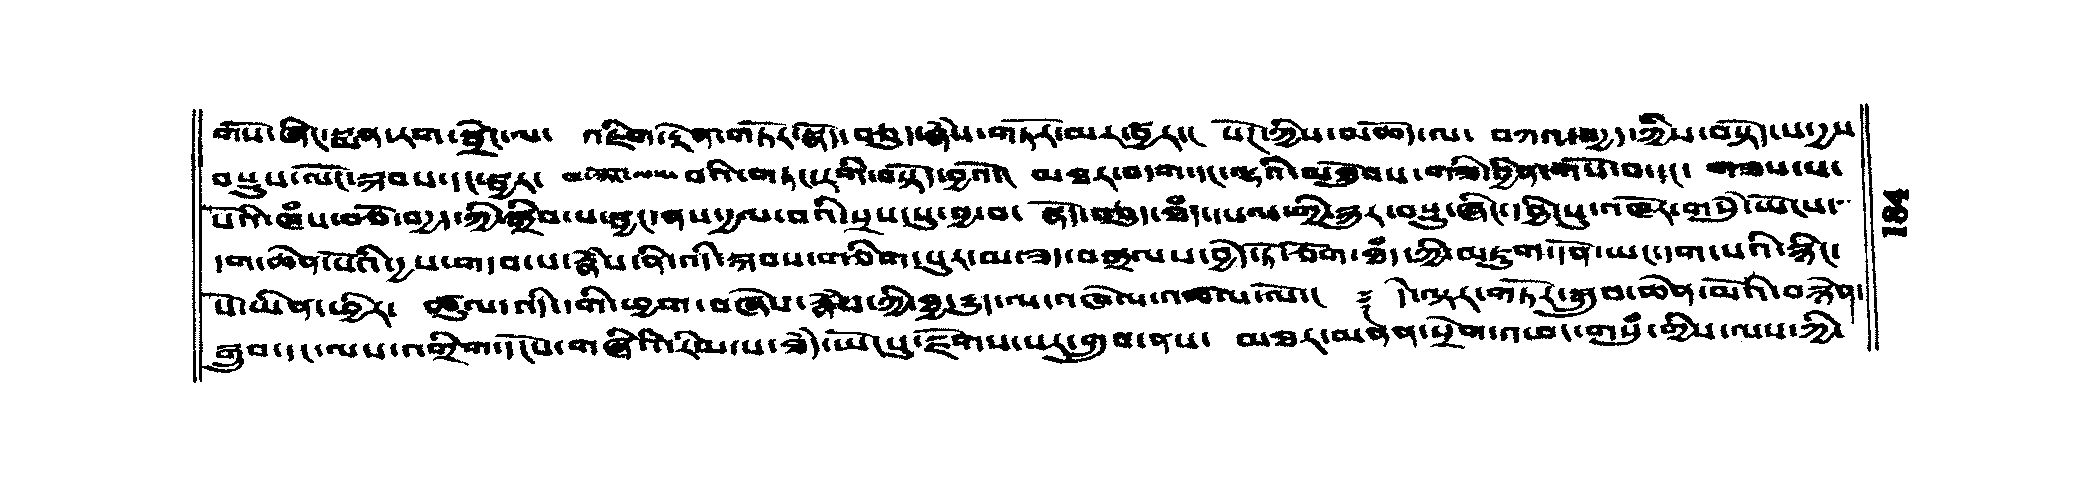གསོ་ཞིང་སྨན་རག་སྦྲེང་ལ། ཁ་སྐོང་ལས་འཇིག་རྟེན་གཏོར་སྣོད་བཅུད་རྣམས་གཏོར་མར་སྦྱར། །སོགས་ཀྱིས་མཆོད་ལ། བཀའ་བརྒྱད་ཀྱིས་བསྟོད་པ་རྒྱས་
བསྡུས་ལོང་སྐབས་དང་སྦྱར་བའི་གཏང་རག་བསྟོད་བྱའོ། མཐར་བདག་དང་ལྷའི་མཐོུ་སྟོབས་གཟི་བྱིན་གསོ་བ་དང་། གཟས་པ་
པོའི་ཁམས་བཅོ་བརྒྱད་ཀྱི་སྒྲིབ་པ་སྦྱང་ནས་རྒྱལ་བའི་སྲས་སུ་བྱ་བ། སྣོད་བཅུད་ཐམས་ཅད་དཔལ་གྱི་སྐུར་བསྡུ་ཞིང་དབྱིངས་སུ་འཁོར་གསུམ་ཡོངས་
དག་ཆེན་པོའི་རྒྱས་གདབ་པ་རྣམས་ནི་འདི་སྐབས་གཅིག་པུར་མ་ཟད་བསྒྲལ་ལས་བྱེད་དོ་ཅོག་ཐམས་ཅད་ཀྱི་མཇུག་དོན་ཡང་དག་པའི་སྙིང་
པོ་ཡིན་ཕྱིར། ཚུལ་འདི་དག་གི་ཕྱག་བཞེས་ལ་འཁྱེལ་འཚལ་ལོ། ༈ དེ་ལྟར་གཏོར་སྒྲུབ་ཆེན་མོའི་བསྙེན་
སྒྲུབ་དང་ལས་འགྲིག་དངོས་གཞིའི་རིམ་པ་ཐམས་ཅད་ཡོངས་སུ་རྫོགས་པར་གྲུབ་ནས། མཐར་མནན་སྲེག་འཕང་གསུམ་གྱིས་ལས་ཀྱི་